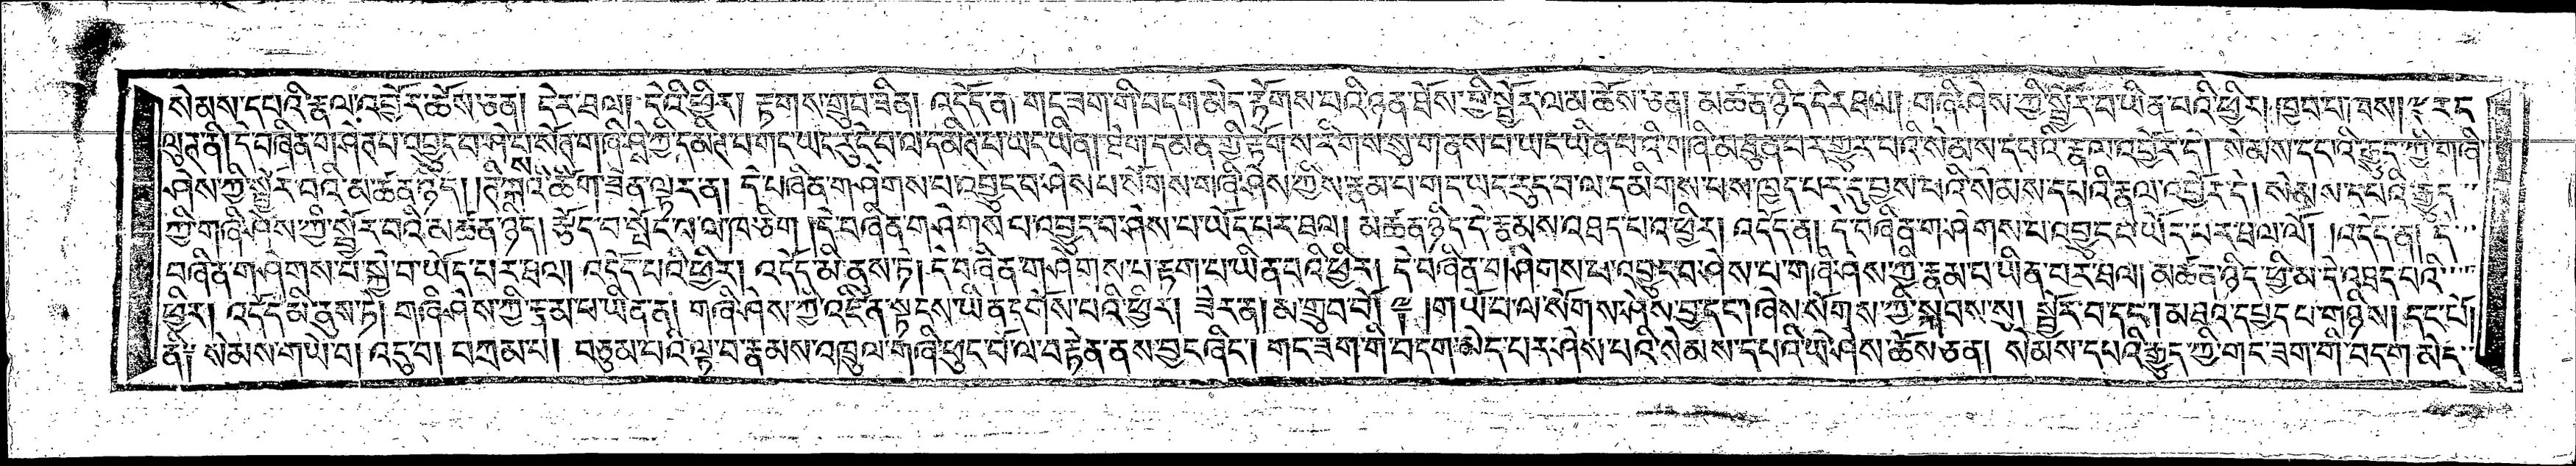སེམས་དཔའི་རྣལ་འབྱོར་ཆོས་ཅན། དེར་ཐལ། དེའི་ཕྱིར། རྟགས་གྲུབ་ཟིན། འདོད་ན། གང་ཟག་གི་བདག་མེད་རྟོགས་པའི་ཉན་ཐོས་ཀྱི་སྦྱོར་ལམ་ཆོས་ཅན། མཚན་ཉིད་དེར་ཐལ། གཞི་ཤེས་ཀྱི་སྦྱོར་བ་ཡིན་པའི་ཕྱིར། ཁྱབ་པ་ཁས། ༈ རང་
ལུགས་ནི། དེ་བཞིན་གཤེགས་པ་འབྱུང་བ་ཤེས་པས་སོགས་གཞི་ཤེས་ཀྱི་དམིགས་པ་གང་ཡང་རུང་བ་ལ་དམིགས་པ་ཡང་ཡིན། ཐེག་དམན་གྱི་རྟོགས་རིགས་སུ་གནས་པ་ཡང་ཡིན་པའི་གཞི་མཐུན་པར་གྱུར་པའི་སེམས་དཔའི་རྣལ་འབྱོར་དེ། སེམས་དཔའི་རྒྱུད་ཀྱི་གཞི་
ཤེས་ཀྱི་སྦྱོར་བའི་མཚན་ཉིད། །ཊིཀྐའི་ཚིག་ཟིན་ལྟར་ན། དེ་བཞིན་གཤེགས་པ་འབྱུང་བ་ཤེས་པ་སོགས་གཞི་ཤེས་ཀྱིས་རྣམ་པ་གང་ཡང་རུང་བ་ལ་དམིགས་པས་ཁྱད་པར་དུ་བྱས་པའི་སེམས་དཔའི་རྣལ་འབྱོར་དེ། སེམས་དཔའི་རྒྱུད་
ཀྱི་གཞི་ཤེས་ཀྱི་སྦྱོར་བའི་མཚན་ཉིད། རྩོད་པ་སྤོང་བ་ལ་ཁ་ཅིག །དེ་བཞིན་གཤེགས་པ་འབྱུང་བ་ཤེས་པ་ཡོད་པར་ཐལ། མཚན་ཉིད་དེ་རྣམས་འཐད་པའི་ཕྱིར། འདོད་ན། དེ་བཞིན་གཤེགས་པ་འབྱུང་བ་ཡོད་པར་ཐལ་ལོ། །འདོད་ན། དེ་
བཞིན་གཤེགས་པ་སྐྱེ་བ་ཡོད་པར་ཐལ། འདོད་པའི་ཕྱིར། འདོད་མི་ནུས་ཏེ། དེ་བཞིན་གཤེགས་པ་རྟག་པ་ཡིན་པའི་ཕྱིར། དེ་བཞིན་གཤེགས་པ་འབྱུང་བ་ཤེས་པ་གཞི་ཤེས་ཀྱི་རྣམ་པ་ཡིན་པར་ཐལ། མཚན་ཉིད་ཕྱི་མ་དེ་འཐད་པའི་
ཕྱིར། འདོད་མི་ནུས་ཏེ། གཞི་ཤེས་ཀྱི་རྣམ་པ་ཡིན་ན། གཞི་ཤེས་ཀྱི་འཛིན་སྟངས་ཡིན་དགོས་པའི་ཕྱིར། ཟེར་ན། མ་གྲུབ་བོ། ༈ །གཡོ་བ་ལ་སོགས་ཤེས་བྱ་དང་། ཞེས་སོགས་ཀྱི་སྐབས་སུ། སྦྱོར་བ་དང་། མཐའ་དཔྱད་པ་གཉིས། དང་པོ།
ནི༑ སེམས་གཡོ་བ། འདུ་བ། བཀྲམ་པ། བཅུམ་པའི་ལྟ་བ་རྣམས་འཁྲུལ་གཞི་ཕུང་པོ་ལ་བརྟེན་ནས་བྱུང་ཞིང་། གང་ཟག་གི་བདག་མེད་པར་ཤེས་པའི་སེམས་དཔའི་ཡེ་ཤེས་ཆོས་ཅན། སེམས་དཔའི་རྒྱུད་ཀྱི་གང་ཟག་གི་བདག་མེད་